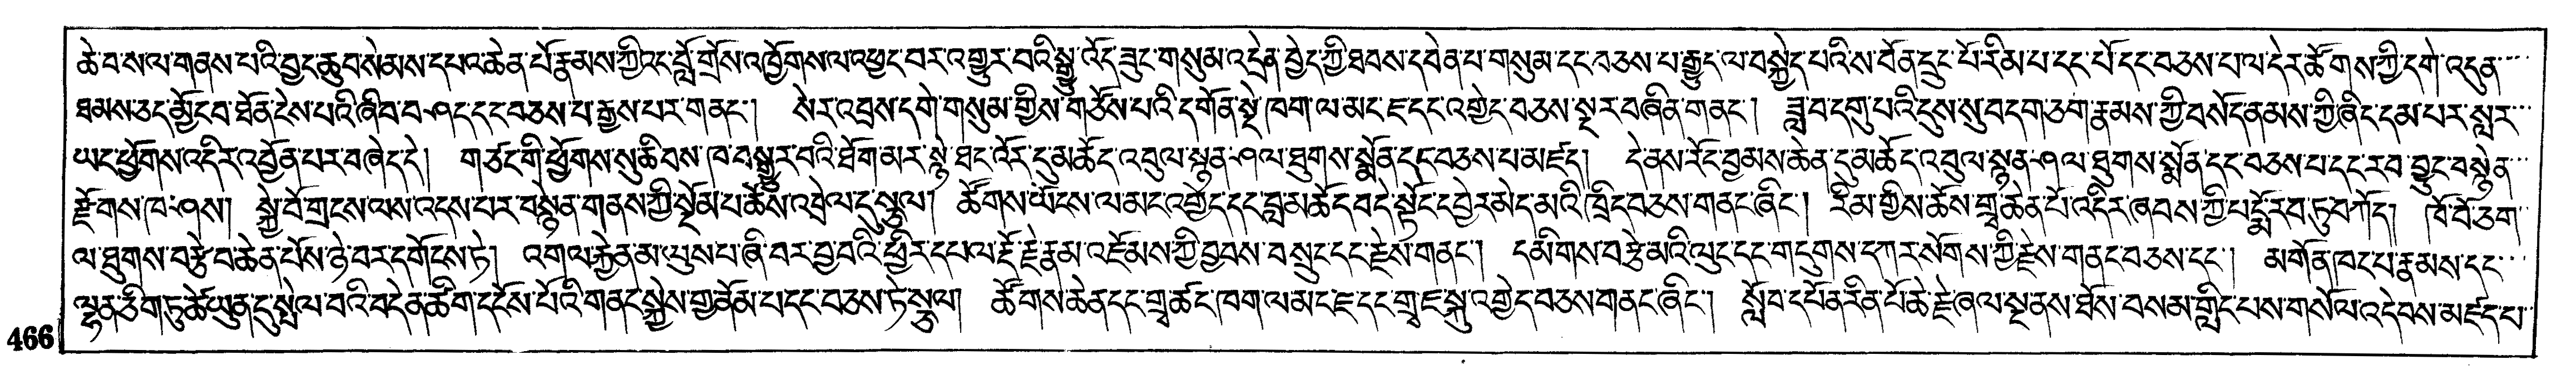ཆེ་བ་ས་ལ་གནས་པའི་བྱང་ཆུབ་སེམས་དཔའ་ཆེན་པོ་རྣམས་ཀྱིའང་བློ་གྲོས་འཁྱོགས་ལ་འཕྱད་བར་འགྱུར་བའི་སྒྱུ་འོད་ཟུང་གསུམ་འདྲེན་བྱེད་ཀྱི་ཐབས་དབེན་པ་གསུམ་དང་བཅས་པ་རྒྱུད་ལ་བསྐྱེད་པའི་ས་བོན་དྲུང་པོ་རིམ་པ་དང་པོ་དང་བཅས་པ་ལ་དེར་ཚོགས་ཀྱི་དགེ་འདུན་
ཐམས་ཅད་མྱོང་བ་ཐོན་ངེས་པའི་ཞིབ་བཤད་དང་བཅས་པ་རྒྱས་པར་གནང་། སེར་འབྲས་དགེ་གསུམ་གྱིས་གཙོས་པའི་དགོན་སྡེ་ཁག་ལ་མང་ཇ་དང་འགྱེད་བཅས་སྔར་བཞིན་གནང་། ཟླ་བ་དགུ་པའི་དུས་སུ་བདག་ཅག་རྣམས་ཀྱི་བསོད་ནམས་ཀྱི་ཞིང་དམ་པར་སླར་
ཡང་ཕྱོགས་འདིར་འབྱོན་པར་བཞེད་དེ། གཙང་གི་ཕྱོགས་སུ་ཆིབས་ཁ་བསྒྱུར་བའི་ཐོག་མར་སྙེ་ཐང་འོར་དུ་མཆོད་འབུལ་སྙན་ཤལ་ཐུགས་སྨོན་དང་བཅས་པ་མཛད། དེ་ནས་རོང་བྱམས་ཆེན་དུ་མཆོད་འབུལ་སྙན་ཤལ་ཐུགས་སྨོན་དང་བཅས་པ་དང་རབ་བྱུང་བསྙེན་
རྫོགས་ཁ་ཤས། སྐྱེ་བོ་གྲངས་ལས་འདས་པར་བསྙེན་གནས་ཀྱི་སྡོམ་པ་ཆོས་འབྲེལ་དུ་སྩལ། ཚོགས་ཡོངས་ལ་མང་འགྱེད་དང་བླ་མཆོད་བདེ་སྟོང་དབྱེར་མེད་མའི་ཁྲིད་བཅས་གནང་ཞིང་། རིམ་གྱིས་ཆོས་གྲྭ་ཆེན་པོ་འདིར་ཞབས་ཀྱི་པདམོ་རབ་ཏུ་བཀོད། ཁོ་བོ་ཅག་
ལ་ཐུགས་བརྩེ་བ་ཆེན་པོས་ཉེ་བར་དགོངས་ཏེ། འགལ་རྐྱེན་མ་ལུས་པ་ཞི་བར་བྱ་བའི་ཕྱིར་དཔལ་རྡོ་རྗེ་རྣམ་འཇོམས་ཀྱི་བྱབས་བསྲུང་དང་རྗེས་གནང་། དམིགས་བརྩེ་མའི་ལུང་དང་གདུགས་དཀར་སོགས་ཀྱི་རྗེས་གནང་བཅས་དང་། མགོན་ཁང་པ་རྣམས་དང་
ལྷན་ཅིག་ཏུ་ཚེ་ཆོ་ཡུན་དུ་སྤེལ་བའི་བདེན་ཚིག་དངོས་པོའི་གནང་སྐྱེས་གྱ་ནོམ་པ་དང་བཅས་ཏེ་སྩལ། ཆོགས་ཆེན་དང་གྲྭ་ཚང་ཁག་ལ་མང་ཇ་དང་ག་ཇ་སྐུ་འགྱེད་བཅས་གནང་ཞིང་། སློབ་དཔོན་རིན་པོ་ཆེ་རྗེ་ཞལ་སྔ་ནས་ཐོས་བསམ་གླིང་པས་གསོལ་འདེདས་མཛད་པ་